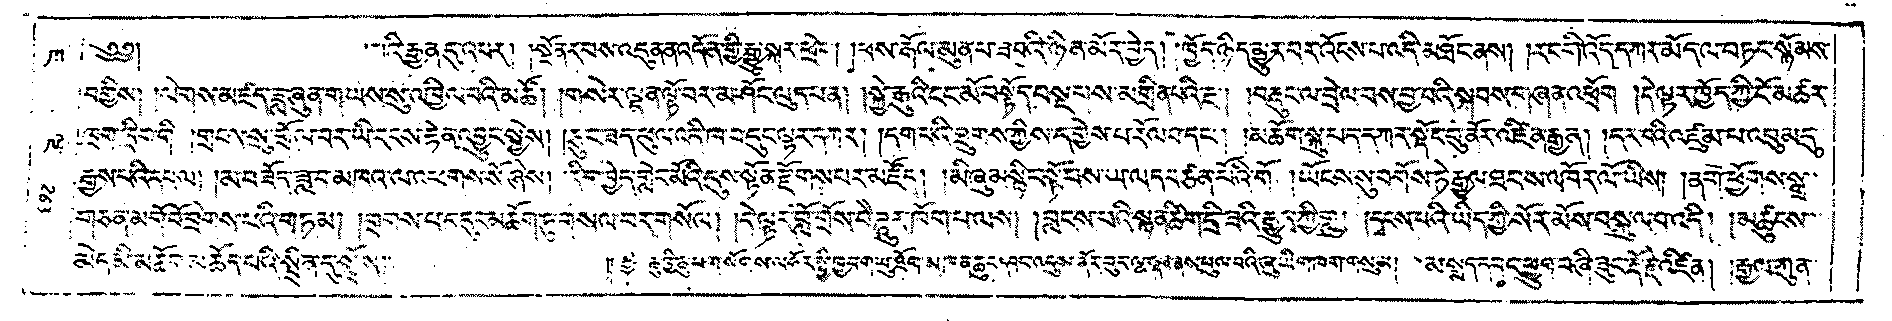༄༅། །པའི་རྒྱན་དུ་འབར། །སྔོན་རབས་འདུན་ན་འདོན་གྱི་རྒྱུ་སྐར་ཕྲེང་། །ཕས་རྒོལ་མུན་པ་ཟ་བའི་ཉིན་མོར་བྱེད། །ཁྱོད་ཉིད་མྱུར་བར་འོངས་པ་འདི་མཐོང་ནས། །རང་གི་འོད་དཀར་མོད་ལ་བཏང་སྙོམས་
བགྱིས། །ལེགས་མཛད་ཟླ་ཞུན་གཡས་སུ་འཁྱིལ་བའི་མཚོ། །གསེར་ལྡན་ལྟོ་བར་མ་ཤོང་ལུད་པ་ན། །སྐྱེ་རྒུའི་ངང་མོ་བསྟོད་བསྔགས་མགྲིན་པའི་རྔ། །བརྡུང་ལ་བྲེལ་བས་བྱ་བའི་སྐབས་གཞན་འཕྲོག །དེ་ལྟར་ཁྱོད་ཀྱི་ངོ་མཚར་
ཁྲག་ཁྲིག་གི །གྲངས་སུ་གྲོལ་བར་ཡི་རངས་རྟེན་འབྱུང་སྐྱེས། །ཅུང་ཟད་ཕུལ་འདི་ཁ་བ་དུང་ལྟར་དཀར། །དག་པའི་ཐུགས་ཀྱིས་དགྱེས་པ་རོལ་བ་དང་། །མཆོག་སྐུ་པད་དཀར་སྡོང་བུ་ནོར་འཛིན་རྒྱན། །དར་བའི་འཛུམ་པ་འབུམ་དུ་
རྒྱས་པའི་དཔལ། །མ་བཟོད་ཟླ་བ་མཁའ་ལ་འཕགས་སོ་ཞེས། །རིག་བྱེད་གླེང་མོའི་དུས་སྟོན་རྫོགས་པར་མཛོད། །མི་ཞུམ་སྙིང་སྟོབས་ཡ་ལད་བཙན་པོའི་གོ །ཡོངས་སུ་བགོས་ཏེ་རྒྱལ་ཐབས་འཁོར་ལོ་ཡིས། །ནག་ཕྱོགས་སྒྲ་
གཅན་མགོ་བོ་བྲེགས་པའི་གཏམ། །གྲགས་པ་ད་དུང་མཆོག་ཏུ་གསལ་བར་གསོལ། །དེ་ལྟར་བློ་གྲོས་བཻ་ཌཱུར་ཁོག་པ་ལས། །བླངས་པའི་སྙན་ཚིག་དྲི་ཟའི་རྒྱུད་ཀྱི་གླུ། །དྭངས་པའི་ཡིད་ཀྱི་སོར་མོས་བསྐུལ་བ་འདི། །མཚུངས་
མེད་མི་མཆོག་མཆོད་པའི་སྤྲིན་དུ་སྤྲོས།། །། ༈ ཆུ་ཁྱི་ཆུ་ཕག་སོགས་ལ་ཧོར་སྤྱི་ཁྱབ་གཡུ་ཐོག་མཁན་ཆུང་དབང་འདུས་ནོར་བུར་ལྷ་ལྡན་ནས་ཕུལ་བའི་ཞུ་ཡིག་ཁག་གསུམ།  མ་སྨད་དབང྾་ཕྱུག་བཞི་ཟུང་རྡོ་རྗེ་འཛིན། །རྒྱལ་ཀུན་